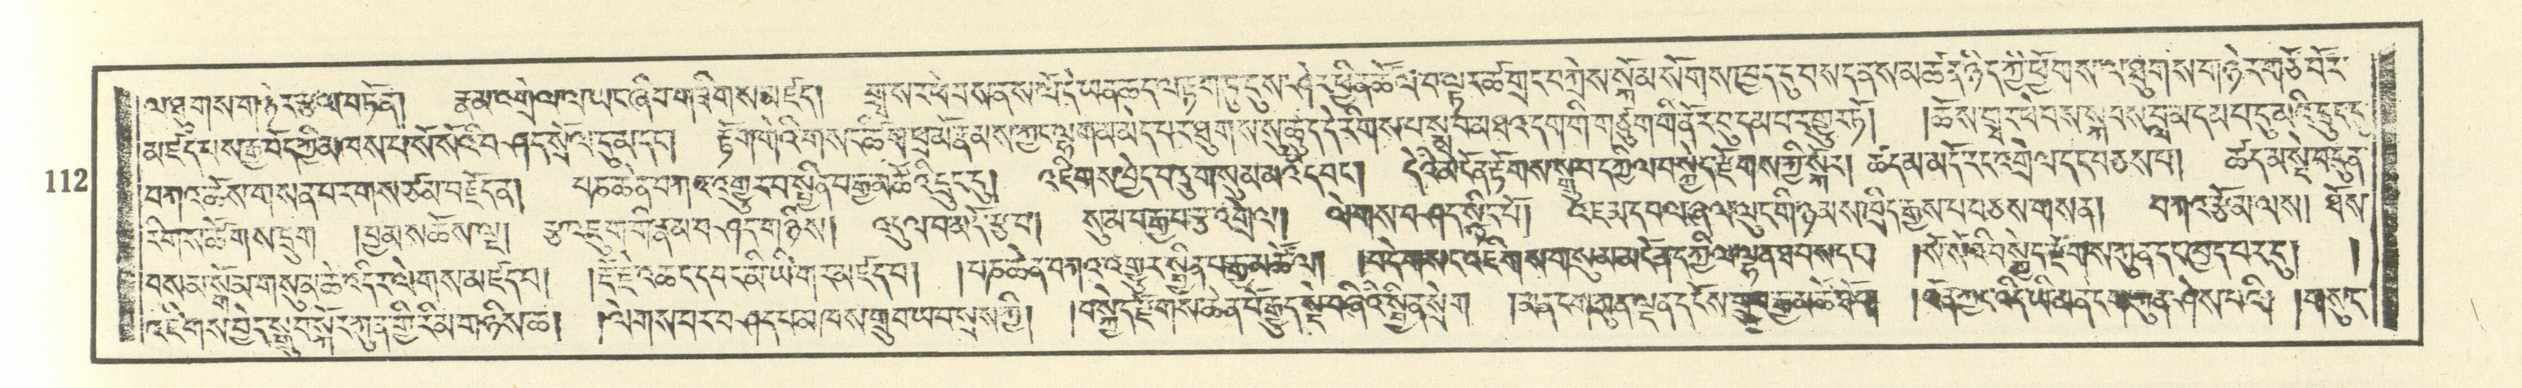ལ་ཐུགས་གཉེར་རྩལ་བཏོན། རྣམ་འགྲེལ་ལ་ཡང་ཞིབ་གཟིགས་མཛད། གྲྭ་སར་ཕེབས་ནས་ལོ་དེ་ཡན་ཆད་ལ་རྟག་ཏུ་དུས་ཤེར་ཕྱིན་ཚོལ་བ་ལྟར་ཚ་གྲང་བཀྲེས་སྐོམ་སོགས་ཁྱད་དུ་བསད་ནས་མཚན་ཉིད་ཀྱི་ཕྱོགས་ལ་ཐུགས་གཉེར་གཙོ་བོར་
མཛད་པས་རྒྱ་བོད་ཀྱི་མཁས་པ་སོ་སོའི་བཤད་སྲོལ་དུ་མ་དང་། རྟོག་གེའི་གསང་ཚིག་ཕྲ་མོ་རྣམས་ཀྱང་ལྷ་མ་མེད་པར་ཐུགས་སུ་ཆུད་དེ་རིགས་པ་སྨྲ་བ་མཐའ་དག་གི་གཙུག་གི་ནོར་བུ་དམ་པར་གྱུར་ཏོ། །ཆོས་གྲྭར་ཕེབས་སྐབས་བླ་མ་དམ་པ་དུ་མའི་དྲུང་དུ་
བཀའ་ཆོས་གསན་པ་རགས་ཙམ་བརྗོད་ན། པཎ་ཆེན་བཀའ་འགྱུར་བ་སྦྱིན་པ་རྒྱ་མཚོའི་དྲུང་དུ། འཇིགས་བྱེད་བཅུ་གསུམ་མའི་དབང་། དེའི་མངོན་རྟོགས་སྒྲུབ་དཀྱིལ་བསྐྱེད་རྫོགས་ཀྱི་སྐོར། ཚད་མ་མདོ་རང་འགྲེལ་དང་བཅས་པ། ཚད་མ་སྔེ་བདུན་
རིགས་ཚོགས་དྲུག །བྱམས་ཆོས་ལྔ། རྩ་འཇུག་གི་རྣམ་བཤད་གཉིས། འདུལ་བ་མདོ་རྩ་བ། སུམ་བརྒྱ་པ་རྩ་འགྲེལ། ལེགས་བཤད་སྙིང་པོ། འཇམ་དཔལ་ཞལ་ལུང་གི་ཉམས་ཁྲིད་རྒྱས་པ་བཅས་གསན། བཀའ་རྩོམ་ལས། ཐོས་
བསམ་སྒོམ་གསུམ་ཚེ་འདིར་ལེགས་མཛད་པ། །རྡོ་རྗེ་འཆང་དབང་མི་ཡི་གར་མཛད་པ། །པཎ་ཆེན་བཀའ་འགྱུར་སྦྱིན་པ་རྒྱ་མཚོལ། །བདེ་གསང་འཇིགས་གསུམ་མངོན་དཀྱིལ་ལྷན་ཐབས་དང་། །སོ་སོའི་བསྐྱེད་རྫོགས་ཀུན་དང་ཁྱད་པར་དུ། །
འཇིགས་བྱེད་སྒྲུབ་སྐོར་ཀུན་གྱི་རིམ་གཉིས་ཆ། །ལེགས་པར་བཤད་པ་མཁས་གྲུབ་ཡབ་སྲས་ཀྱི། །བསྐྱེད་རྫོགས་ཆེན་པོ་རྒྱུད་སྡེ་བཞིའི་སྦྱིན་སྲེག །མན་ངག་ཀུན་ལྡན་དངོས་གྲུབ་རྒྱ་མཚོ་ཐོབ། །འོན་ཀྱང་འདི་ཡི་མན་ངག་ཀུན་ཤེས་པའི། །གསུང་